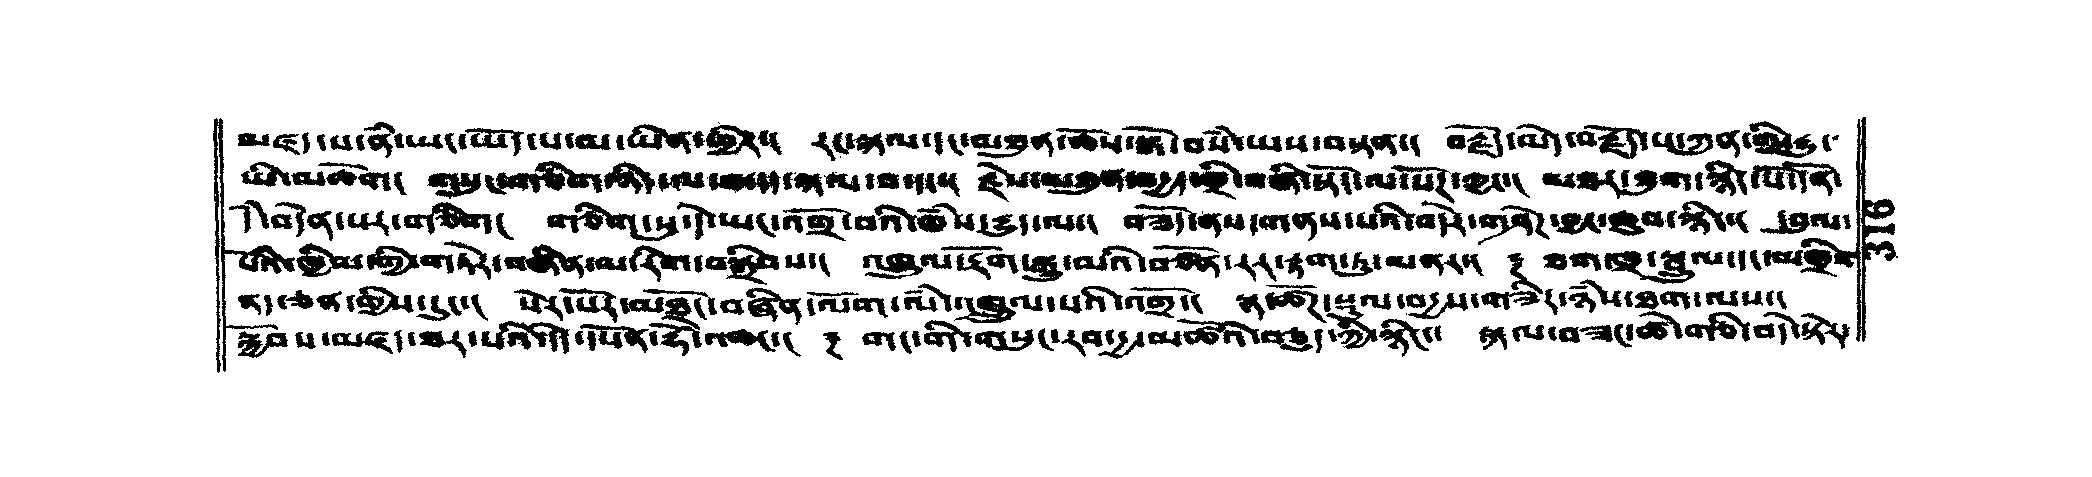།མཛད་པ་ནམ་ཡང་ཡོད་པ་མ་ཡིན་ཕྱིར། །རང་སྐལ་དང་མཐུན་ཆོས་སྒོ་བསམ་ཡས་བསྟན། །བརྗོད་མེད་བརྗོད་པ་ཀུན་གྱི་རྒྱུ་
ཡི་མཆོག །གསུང་གཅིག་ཉིད་ལ་ཐ་དད་སྐལ་བ་དང་། །རྗེས་མཐུན་བརྒྱད་ཁྲི་བཞི་སྟོང་ལ་སོགས་ཀྱང་། །མཐར་ཐུག་སྙིང་པོ་དོན་
དམ་བདེན་པར་གཅིག །གཅིག་པུ་དེ་ཡང་འགྲོ་བའི་ཁམས་རྒྱུད་ལ། །བཟོད་ནས་གནས་པའི་བདེ་གཤེགས་བྱང་ཆུབ་སྙིང་། །དབུལ་
པོའི་ཁྱིམ་གྱི་གཏེར་བཞིན་མ་རིག་བསྒྲིབས། །འཁྲུལ་རྟོག་སྒྱུ་མའི་བཙོན་རར་རྟག་ཏུ་མནར། །ཐག་ཁྲ་སྦྲུལ་དང་མཁྲིས་
ནད་ཅན་གྱིས་དུང་། །སེར་པོར་མཐོང་བཞིན་ལོག་ལམ་འཁྲུལ་པའི་འགྲོ། །སྣ་ཚོགས་སྡུག་བསྔལ་བརྒྱས་གཟིར་ཉམས་ཐག་ལས། །
སྐྱོབས་མཛད་ཐར་པའི་དེད་དཔོན་རྡོ་རྗེ་འཆང་། །གང་གི་གསུང་རབ་རྒྱ་མཚོའི་བཅུད་ཀྱི་སྙིང་། །སྐལ་བཟང་ཚེ་གཅིག་བདེ་སྟེར་